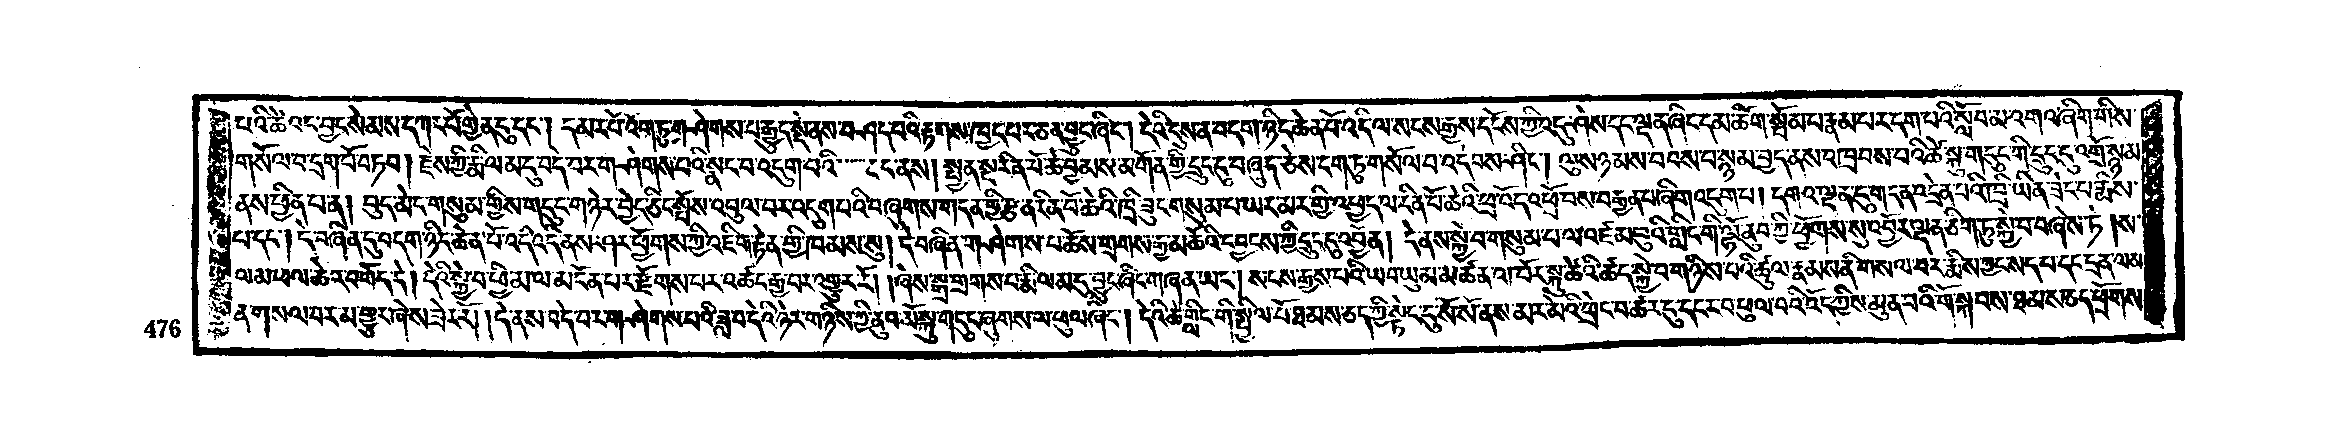པའི་ཚེ་འང་བྱང་སེམས་དཀར་པོ་གྱེན་དུ་དང་། དམར་པོ་འོག་ཏུ་གཤེགས་པ་རྒྱུད་སྡེ་ནས་བཤད་པའི་རྟགས་ཁྱད་པར་ཅན་བྱུང་ཞིང་། དེའི་དུས་ན་བདག་ཉིད་ཆེན་པོ་འདི་ལ་སངས་རྒྱས་དངོས་ཀྱི་འདུ་ཤེས་དང་ལྡན་ཞིང་དམ་ཚིག་སྒོམ་པ་རྣམ་པར་དག་པའི་སློབ་མ་འགའ་ཞིག་གིས་
གསོལ་བ་དྲག་པོ་བཏབ། རྗེས་ཀྱི་རྨི་ལམ་དུ་བད་བར་གཤེགས་པའི་སྣང་བ་འདུག་པའི་ངང་ནས། སྤྱན་སྔ་རིན་པོ་ཆེ་བྱམས་མགོན་གྱི་དྲུང་དུ་བཞུད་ཅེས་ངག་ཏུ་གསོལ་བ་འདེབས་ཤིང་། ལུས་ཉམས་བབས་པ་སྙམ་བྱེད་ནས་འཁྲབས་པའི་ཚེ་སྐུ་གདུང་གི་དྲུང་དུ་འགྲོ་སྙམ་
ནས་ཕྱིན་པ་ན། བུད་མེད་གསུམ་གྱིས་གདུང་གཉེར་བྱེད་ཅིང་སྤོས་འབུལ་བར་འདུག་པའི་བཞུགས་གདན་གྱི་རྩ་ན་རིན་པོ་ཆེའི་ཁྲི་ཟུང་གསུམ་པ་ཡར་མར་གྱི་འཕྱད་ལ་རིན་པོ་ཆེའི་ཕྲ་འོད་འཕྲོ་བས་བརྒྱན་པ་ཞིག་འདུག་པ། དགའ་ལྡན་དུ་གདན་འདྲེན་པའི་ཁྲི་ཡིན་ཟེར་པ་རྨིས་
པ་དང་། དེ་བཞིན་དུ་བདག་ཉིད་ཆེན་པོ་འདི་འདི་ནས་ཤར་ཕྱོགས་ཀྱི་འཇིག་རྟེན་གྱི་ཁམས་སུ། དེ་བཞིན་གཤེགས་པ་ཆོས་གྲགས་རྒྱ་མཚོའི་དབྱངས་ཀྱི་དྲུང་དུ་འབྱོན། དེ་ནས་སྐྱེ་བ་གསུམ་པ་ལ་འཛམ་བུའི་གླིང་གི་ལྷོ་ནུབ་ཀྱི་ཕྱོགས་སུ་འབྱོར་ལྡན་ཅིག་ཏུ་སྐྱེ་བ་བཞེས་ཏེ། ས་
ལམ་ཕལ་ཆེར་བགྲོད་དེ། དེའི་སྐྱེ་བ་ཕྱི་མ་ལ་མངོན་པར་རྫོགས་པར་འཚང་རྒྱ་བར་འགྱུར་རོ། །ཞེས་སྒྲ་གྲགས་པ་རྨི་ལམ་དུ་བྱུང་ཞིང་གཞན་ཡང་། སངས་རྒྱས་པའི་ཡབ་ཡུམ་མཚན་འཁོར་སྐུ་ཚེའི་ཚད་སྐྱེ་བ་གཉིས་པའི་ཚུལ་རྣམས་ནི་གསལ་བར་རྨིས་ཀྱང་སད་པ་དང་དྲན་ལམ་
ན་གསལ་བར་མ་གྱུར་ཞེས་ཟེར་རོ། །དེ་ནས་བདེ་བར་གཤེགས་པའི་ཟླ་བ་དེའི་ཉེར་གཉིས་ཀྱི་ནུབ་མོ་སྐུ་གདུང་ཞུགས་ལ་ཕུལ་ཞིང་། དེའི་ཚེ་གླིང་གི་སྤྱིལ་བོ་ཐམས་ཅད་ཀྱི་སྟེང་དུ་སོ་སོ་ནས་མར་མེའི་ཕྲེང་བ་ཚར་དུ་དངར་བ་ཕུལ་བའི་འོད་ཀྱིས་མུན་པའི་གོ་སྐབས་ཐམས་ཅད་ཕྲོགས་